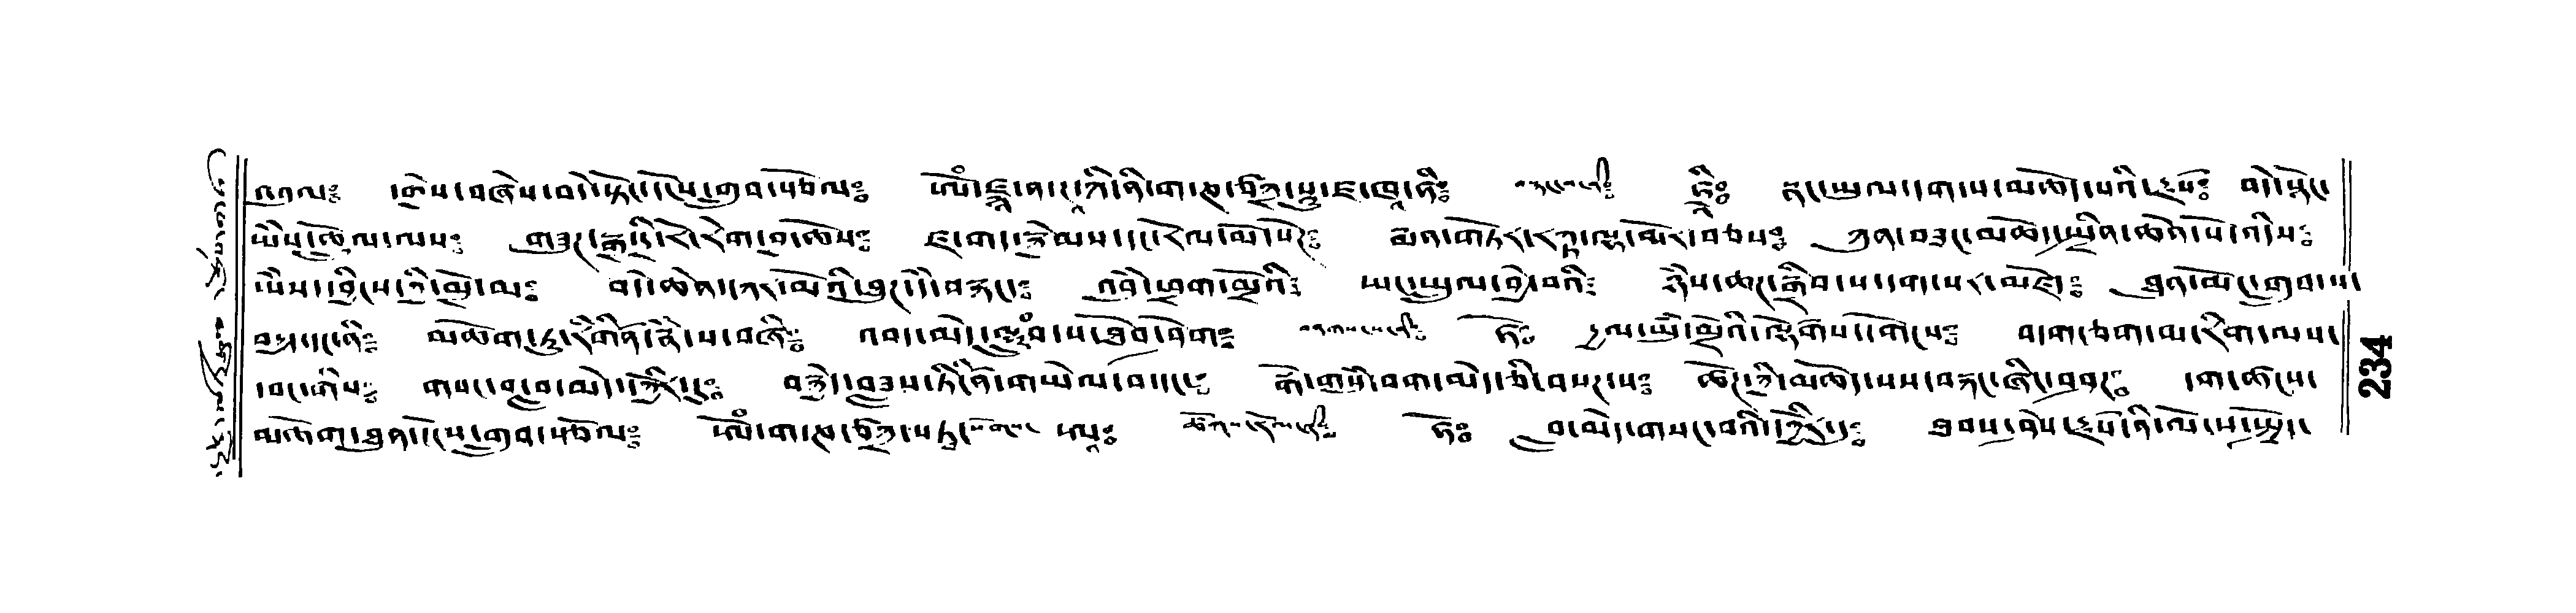འབུལ༔ དགྱེས་བཞེས་བདེ་སྟོང་དངོས་གྲུབ་སྩོལ༔ ཨོཾ་ཛྙཱ་ན་ཌཱ་ཀི་ནི་ག་ཎ་ཙཀྲ་པཱུ་ཛ་ཁཱ་ཧིཿ བསྐང་བ་ནི༔ ཧྲཱིཿ སྣང་ཡུལ་དག་པ་མཆོད་པའི་རྫས༔ བདེ་སྟོང་
ཡེ་ཤེས་ཆོ་འཕྲུལ་ལས༔ གཟུགས་སྒྲ་དྲི་རོ་རེག་བྱ་ཆོས༔ ཛ་གད་སྐྱེམས་དང་རོལ་མོ་སོགས༔ སྨན་གཏོར་རཀྟ་ལྷ་མོར་བཅས༔ ཀུན་བཟང་མཆོད་སྤྲིན་ཆེན་པོ་འདིས༔ 
ཡེ་ཤེས་དབྱིངས་ཀྱི་མཁའ་འགྲོ་མ༔ བདེ་ཆེན་དཀར་མོའི་ཐུགས་དམ་བསྐང༔ འབུམ་ཕྲག་མཁའ་འགྲོའི༴ ཡང་སྤྲུལ་བྱེ་བའི༴ ཉམས་ཆགས་སྒྲིབ་པ་དག་པར་མཛོད༔ ཐུན་མོང་གྲུབ་པ་
བརྒྱད་དང་ནི༔ མཆོག་ཏུ་རིག་འཛིན་རྣམ་པ་བཞི༔ འབད་མེད་ལྷུན་གྲུབ་ས་ཐོབ་ཤོག༔ བཤགས་པ་ནི༔ ཧོཿ རྒྱལ་ཡུམ་མཁའ་འགྲོའི་ལྷ་ཚོགས་དགོངས༔ བདག་ཅག་མ་རིག་ལས་
དབང་གིས༔ གསང་བ་བླ་མེད་དཀྱིལ་འཁོར་དུ༔ བསྐྱེད་བཟླས་ཏིང་འཛིན་གཡེལ་བ་དང༔ སྒོ་གསུམ་བག་མེད་ཅི་བསགས་པ༔ ཚོགས་ཀྱི་མཆོད་པས་བསྐང་ཞིང་བཤགས༔ དག་ཚངས་
མཆོག་ཐུན་དངོས་གྲུབ་སྩོལ༔ ཨོཾ་ག་ཎ་ཙཀྲ་སཏྭ་སོགས༔ ཨཱཿ ཚོགས་རོལ་ནི༔ ཧོཿ བླ་མེད་གསང་བའི་དཀྱིལ་འཁོར་དུ༔ ཐབས་ཤེས་རྫས་ནི་ལོངས་སྤྱོད་